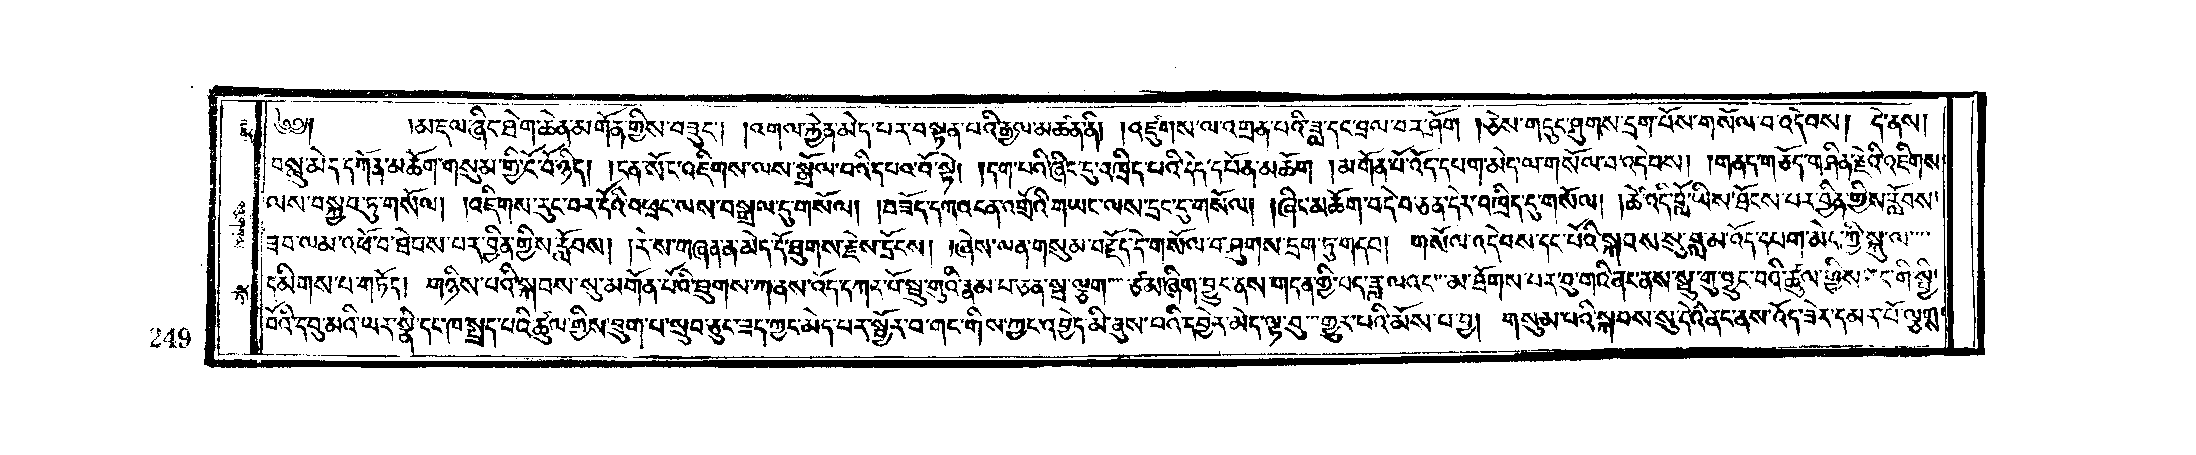༄༅། །མཇལ་ཞིང་ཐེག་ཆེན་མགོན་གྱིས་བཟུང་། །འགལ་རྐྱེན་མེད་པར་བསྟན་པའི་རྒྱལ་མཚན་ནི། །འཛུགས་ལ་འགྲན་པའི་ཟླ་དང་བྲལ་བར་ཤོག །ཅེས་གདུང་ཤུགས་དྲག་པོས་གསོལ་བ་འདེབས། དེ་ནས།
བསླུ་མེད་དཀོན་མཆོག་གསུམ་གྱི་ངོ་བོ་ཉིད། །ངན་སོང་འཇིགས་ལས་སྒྲོལ་བའི་དཔའ་བོ་སྟེ། །དག་པའི་ཞིང་དུ་འཁྲིད་པའི་དེད་དཔོན་མཆོག །མགོན་པོ་འོད་དཔག་མེད་ལ་གསོལ་བ་འདེབས། །གནད་གཅོད་གཤིན་རྗེའི་འཇིགས་
ལས་བསྐྱབ་ཏུ་གསོལ། །འཇིགས་རུང་བར་དོའི་འཕྲང་ལས་བསྒྲལ་དུ་གསོལ། །བཟོད་དཀའ་ངན་འགྲོའི་གཡང་ལས་དྲང་དུ་གསོལ། །ཞིང་མཆོག་བདེ་བ་ཅན་དེར་འཁྲིད་དུ་གསོལ། །ཚེ་འདི་བློ་ཡིས་ཐོངས་པར་བྱིན་གྱིས་རློབས་
ཟབ་ལམ་འཕོ་བ་ཐེབས་པར་བྱིན་གྱིས་རློབས། །རེ་ས་གཞན་ན་མེད་དོ་ཐུགས་རྗེས་དྲོངས། །ཞེས་ལན་གསུམ་བརྗོད་དེ་གསོལ་བ་ཤུགས་དྲག་ཏུ་གདབ། གསོལ་འདེབས་དང་པོའི་སྐབས་སུ་བླ་མ་འོད་དཔག་མེད་ཀྱི་སྐུ་ལ་
དམིགས་པ་གཏོད། གཉིས་པའི་སྐབས་སུ་མགོན་པོའི་ཐུགས་ཀ་ནས་འོད་དཀར་པོ་སྦུ་གུའི་རྣམ་པ་ཅན་སྦ་ལྕག་ཙམ་ཞིག་བྱུང་ནས་གདན་གྱི་པད་ཟླ་ལའང་མ་ཐོགས་པར་བུ་གའི་ནང་ནས་སྦུ་གུ་བྱུང་བའི་ཚུལ་གྱིས་རང་གི་སྤྱི་
བོའི་དབུ་མའི་ཡར་སྣེ་དང་ཁ་སྤྲད་པའི་ཚུལ་གྱིས་བྲུག་པ་སྲུབ་ཅུང་ཟད་ཀྱང་མེད་པར་སྦྱོར་བ་གང་གིས་ཀྱང་འབྱེད་མི་ནུས་པའི་དབྱེར་མེད་ལྟ་བུ་གྱུར་པའི་མོས་པ་བྱ། གསུམ་པའི་སྐབས་སུ་དེའི་ནང་ནས་འོད་ཟེར་དམར་པོ་ལྕགས་